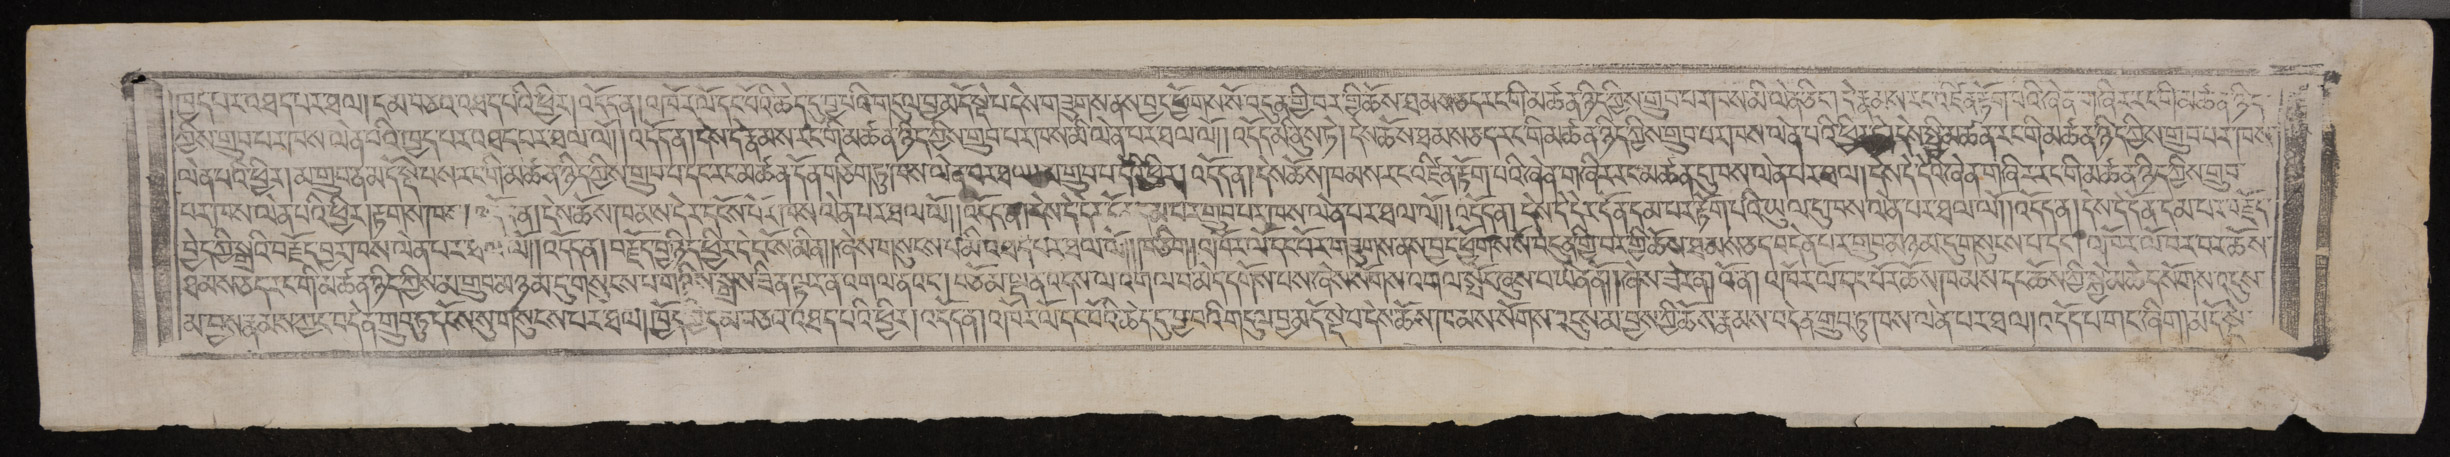ཁྱད་པར་འཐད་པར་ཐལ། དམ་བཅའ་འཐད་པའི་ཕྱིར། འདོད་ན། འཁོར་ལོ་དང་པོའི་ཆེད་དུ་བྱ་བའི་གདུལ་བྱ་མདོ་སྡེ་པ་དེས་གཟུགས་ནས་བྱང་ཕྱོགས་སོ་བདུན་གྱི་བར་གྱི་ཆོས་ཐམས་ཅད་རང་གི་མཚན་ཉིད་ཀྱིས་གྲུབ་པར་ཁས་མི་ལེན་ཅིང་། དེ་རྣམས་རང་འཛིན་རྟོག་པའི་ཞེན་གཞིར་རང་གི་མཚན་ཉིད་
ཀྱིས་གྲུབ་པར་ཁས་ལེན་པའི་ཁྱད་པར་འཐད་པར་ཐལ་ལོ། །འདོད་ན། དེས་དེ་རྣམས་རང་གི་མཚན་ཉིད་ཀྱིས་གྲུབ་པར་ཁས་མི་ལེན་པར་ཐལ་ལོ། །འདོད་མི་ནུས་ཏེ། དེས་ཆོས་ཐམས་ཅད་རང་གི་མཚན་ཉིད་ཀྱིས་གྲུབ་པར་ཁས་ལེན་པའི་ཕྱིར་ཏེ། དེས་སྤྱི་མཚན་རང་གི་མཚན་ཉིད་ཀྱིས་གྲུབ་པར་ཁས་
ལེན་པའི་ཕྱིར། མ་གྲུབ་ན་མདོ་སྡེ་པས་རང་གི་མཚན་ཉིད་ཀྱིས་གྲུབ་པ་དང་རང་མཚན་དོན་གཅིག་ཏུ་ཁས་ལེན་པར་ཐལ། མ་གྲུབ་པ་དེའི་ཕྱིར། འདོད་ན། དེས་ཆོས་ཁམས་རང་འཛིན་རྟོག་པའི་ཞེན་གཞིར་རང་མཚན་དུ་ཁས་ལེན་པར་ཐལ། དེས་དེ་དེའི་ཞེན་གཞིར་རང་གི་མཚན་ཉིད་ཀྱིས་གྲུབ་
པར་ཁས་ལེན་པའི་ཕྱིར། རྟགས་ཁས། འདོད་ན། དེས་ཆོས་ཁམས་དེར་དངོས་པོར་ཁས་ལེན་པར་ཐལ་ལོ། །འདོད་ན། དེས་དེ་དེར་དོན་དམ་པར་གྲུབ་པར་ཁས་ལེན་པར་ཐལ་ལོ། །འདོད་ན། དེས་དེ་དེར་དོན་དམ་པར་རྟོག་པའི་ཡུལ་དུ་ཁས་ལེན་པར་ཐལ་ལོ། །འདོད་ན། དེས་དེ་དོན་དམ་པར་བརྗོད་
བྱེད་ཀྱི་སྒྲའི་བརྗོད་བྱར་ཁས་ལེན་པར་ཐལ་ལོ། །འདོད་ན། བརྗོད་བྱ་ཉིད་ཕྱིར་དེ་དངོས་མིན། །ཞེས་གསུངས་པ་མི་འཐད་པར་ཐལ་ལོ། །ཁ་ཅིག། འཁོར་ལོ་དང་པོར་གཟུགས་ནས་བྱང་ཕྱོགས་སོ་བདུན་གྱི་བར་གྱི་ཆོས་ཐམས་ཅད་བདེན་པར་གྲུབ་མཉམ་དུ་གསུངས་པ་དང་། འཁོར་ལོ་བར་བར་ཆོས་
ཐམས་ཅད་རང་གི་མཚན་ཉིད་ཀྱིས་མ་གྲུབ་མཉམ་དུ་གསུངས་པ་གཉིས་སྒྲས་ཟིན་ལྟར་ན་འགལ་ནའང་། བཅོམ་ལྡན་འདས་ལ་འགལ་བ་མེད་དགོས་པས་ཞེས་སོགས་འགལ་སྤོང་ཞུས་པ་ཡིན་ནོ། །ཞེས་ཟེར་ན། འོ་ན། འཁོར་ལོ་དང་པོར་ཆོས་ཁམས་དང་ཆོས་ཀྱི་སྐྱེ་མཆེད་སོགས་འདུས་
མ་བྱས་རྣམས་ཀྱང་བདེན་གྲུབ་ཏུ་དངོས་སུ་གསུངས་པར་ཐལ། ཁྱོད་ཀྱི་དམ་བཅའ་འཐད་པའི་ཕྱིར། འདོད་ན། འཁོར་ལོ་དང་པོའི་ཆེད་དུ་བྱ་བའི་གདུལ་བྱ་མདོ་སྡེ་པ་དེས་ཆོས་ཁམས་སོགས་འདུས་མ་བྱས་ཀྱི་ཆོས་རྣམས་བདེན་གྲུབ་ཏུ་ཁས་ལེན་པར་ཐལ། འདོད་པ་གང་ཞིག། མདོ་སྡེ་